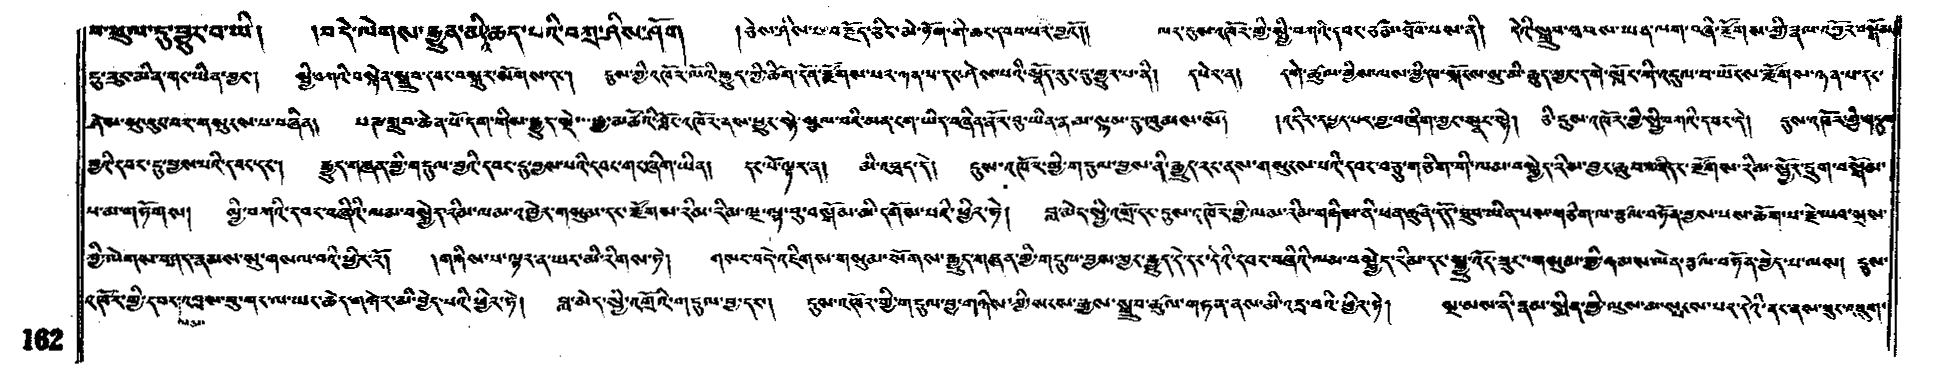བ་ཕུལ་དུ་བྱུང་བ་ཡི། །བདེ་ལེགས་རྒྱུན་མི་འཆད་པའི་བཀྲ་ཤིས་ཤོག །ཅེས་ཤིས་པ་བརྗོད་ཅིང་མེ་ཏོག་གི་ཆང་དབབ་པར་བྱའོ།། ལར་དུས་འཁོར་གྱི་སྤྱི་བཀའི་དབང་ཙམ་ཐོབ་པས་ནི། དེའི་སྒྲུབ་ཐབས་ཡན་ལག་བཞི་རྫོགས་ཀྱི་རྣལ་འབྱོར་བསྒོམ་
དུ་རུང་མིན་གང་ཡིན་ཀྱང་། སྤྱི་བཀའི་བསྙེན་སྒྲུབ་དབང་བསྐུར་སོགས་དང་། དུས་ཀྱི་འཁོར་ལོའི་རྒྱུད་ཀྱི་ཚིག་དོན་རྫོགས་པར་ཉན་པ་དང་ཤེས་པའི་སྣོད་རུང་དུ་གྱུར་པ་ནི། དཔེར་ན། དགེ་ཚུལ་གྱིས་ལས་ཀྱི་ཁ་སྐོངས་སུ་མི་ཆུད་ཀྱང་དགེ་སློང་གི་འདུལ་བ་ཡོངས་རྫོགས་ཉན་པ་དང་
ཤེས་སུ་རུང་བར་གསུངས་པ་བཞིན། པཎ་གྲུབ་ཆེན་པོ་དག་གིས་རྒྱུད་སྡེ་རྒྱ་མཚོའི་ཀློང་འཁོར་ནས་ཕྱུང་སྟེ་སྩལ་བའི་མན་ངག་ཡིད་བཞིན་ནོར་བུ་ཡིན་ནམ་སྙམ་དུ་ཁུམས་སོ། །འདིར་དཔྱད་པར་བྱ་བཞིག་ཀྱང་སྣང་སྟེ། ཅི་དུས་འཁོར་གྱི་སྤྱི་བཀའི་དབང་དེ། དུས་འཁོར་གྱི་གདུགས་
བྱའི་དབང་དུ་བྱས་པའི་དབང་དང་། རྒྱུད་གཞན་གྱི་གདུལ་བྱའི་དབང་དུ་བྱས་པའི་དབང་གང་ཞིག་ཡིན། དང་བོ་ལྟར་ན། མི་འཐད་དེ། དུས་འཁོར་གྱི་གདུལ་བྱས་ནི་རྒྱུད་རང་ནས་གསུངས་པའི་དབང་བཅུ་གཅིག་གི་ལམ་བསྐྱེད་རིམ་བྱང་ཆུབ་བཞི་དང་རྫོགས་རིམ་སྦྱོར་དྲུག་བསྒོམ་
པ་མ་གཏོགས། སྤྱི་བཀའི་དབང་བཞིའི་ལམ་བསྐྱེད་རིམ་ལམ་འཁྱེར་གསུམ་དང་རྫོགས་རིམ་རིམ་ལྔ་ལྟ་བུ་བསྒོམ་མི་དགོས་པའི་ཕྱིར་ཏེ། བླ་མེད་སྤྱི་འགྲོ་དང་དུས་འཁོར་གྱི་ལམ་རིམ་གཉིས་ནི་ཕན་ཚུན་དོད་ཐུབ་ཡིན་པས་གཅིག་ལ་རྩལ་བཏོན་བྱས་པས་ཆོག་པ་རྗེ་ཡབ་སྲས་
ཀྱི་ལེགས་བཤད་རྣམས་སུ་གསལ་བའི་ཕྱིར་རོ། །གཉིས་པ་ལྟར་ན་ཡང་མི་རིགས་ཏེ། གསང་བདེ་འཇིགས་གསུམ་སོགས་རྒྱུད་གཞན་གྱི་གདུལ་བྱས་ཀྱང་རྒྱུད་དེ་དང་དེའི་དབང་བཞིའི་ལམ་བསྐྱེད་རིམ་དང་སྒྱུ་འོད་ཟུང་གསུམ་གྱི་ཉམས་ལེན་རྩལ་བཏོན་བྱེད་པ་ལས། དུས་
འཁོར་གྱི་དབང་ལམ་འབྲས་བུ་གང་ལ་ཡང་ཆེད་གཉེར་མི་བྱེད་པའི་ཕྱིར་ཏེ། བླ་མེད་སྤྱི་འགྲོའི་གདུལ་བྱ་དང་། དུས་འཁོར་གྱི་གདུལ་བྱ་གཉིས་ཀྱི་སངས་རྒྱས་སྒྲུབ་ཚུལ་གཏན་ནས་མི་འདྲ་བའི་ཕྱིར་ཏེ། སྔ་མས་ནི་རྣམ་སྨིན་གྱི་ལུས་མ་སྤངས་པར་དེའི་ནང་ནས་ཟུང་འཇུག་